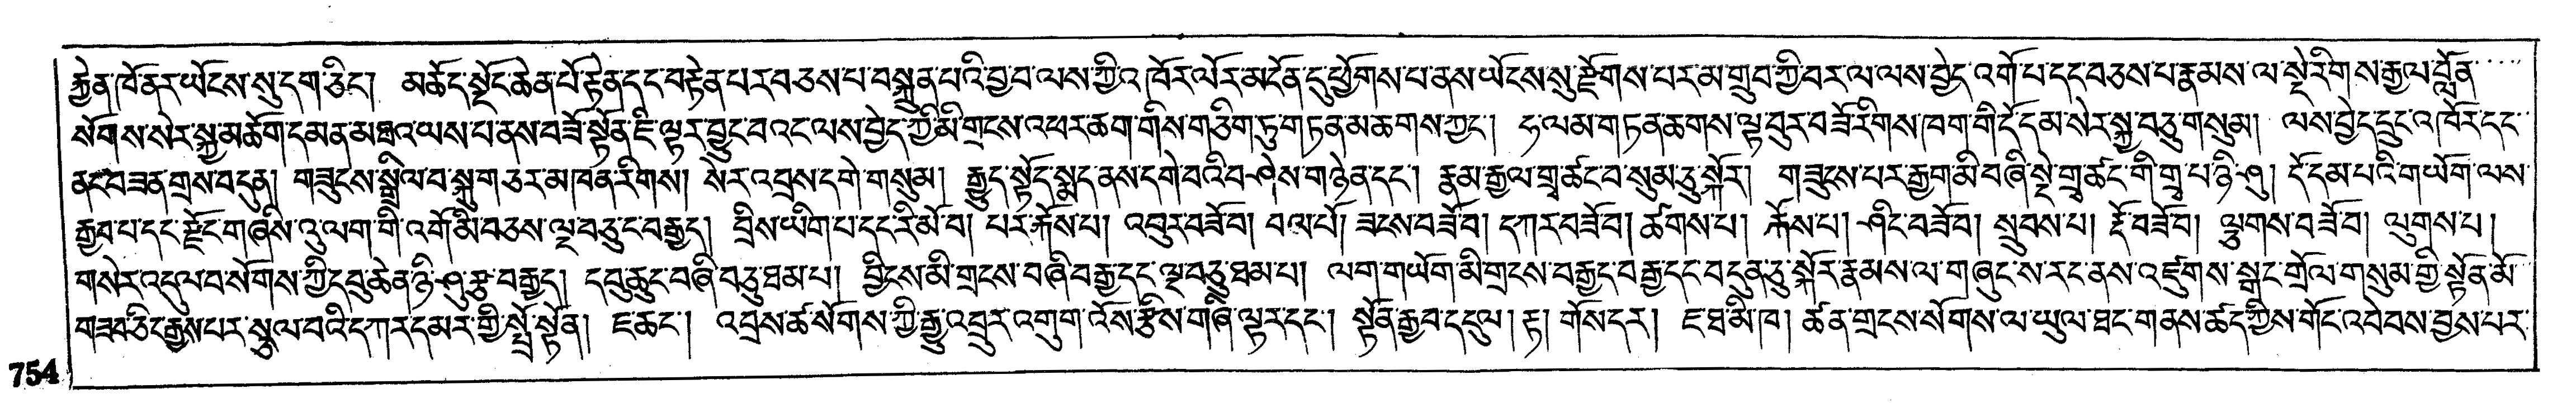རྐྱེན་ཁོ་ནར་ཡོངས་སུ་དག་ཅིང་། མཆོད་སྡོང་ཆེན་པོ་རྟེན་དང་བརྟེན་བར་བཅས་པ་བསྐྲུན་པའི་བྱ་བ་ལས་ཀྱི་འཁོར་ལོར་མངོན་དུ་ཕྱོགས་བ་ནས་ཡོངས་སུ་རྫོགས་བར་མ་གྲུབ་ཀྱི་བར་ལ་ལས་བྱེད་འགོ་བ་དང་བཅས་པ་རྣམས་ལ་སྔེ་རིགས་རྒྱལ་བློན་
སོགས་སེར་སྐྱ་མཆོག་དམན་མཐའ་ཡས་པ་ནས་བཟོ་སྟོན་ཇི་ལྟར་བྱུང་བའང་ལས་བྱེད་ཀྱི་མི་གྲངས་འཕར་ཆག་གིས་གཅིག་ཏུ་གཏན་མ་ཆགས་ཀྱང་། ཧ་ལམ་གཏན་ཆགས་ལྟ་བུར་བཟོ་རིགས་ཁག་གི་དོ་དམ་སེར་སྐྱ་བཅུ་གསུམ། ལས་བྱེང་དྲུང་འཁོར་དང་
ནང་བཟན་གྲས་བདུན། གཟུངས་སྒྲིལ་བ་སྐུ་གཅར་མཁན་རིགས། སེར་འབྲས་དགེ་གསུམ། རྒྱུད་སྟོང་སྨད་ནས་དགེ་བའི་བཤེས་གཉེན་དང་། རྣམ་རྒྱལ་གྲྭ་ཆང་བ་སུམ་ཅུ་སྐོར། གཟུངས་པར་རྒྱག་མི་བཞི་སྡེ་གྲྭ་ཚང་གི་གྲྭ་པ་ཉི་ཤུ། དོ་དམ་པའི་གཡོག་ལས་
རྒྱབ་པ་དང་རྫོང་གཞིས་འུ་ལག་གི་འགོ་མི་བཅས་ལྔ་བཅུ་ང་བརྒྱད། བྲིས་ཡིག་པ་དང་རི་མོ་བ། པར་རྐོས་བ། འབུར་བཟོ་བ། བལ་པོ། ཟངས་བཟོ་བ། དཀར་བཟོ་བ། ཚགས་པ། རྐོས་པ། ཤིང་བཟོ་བ། སྲུབས་པ། རྡོ་བཟོ་བ། ལྕགས་བཟོ་བ། ལུགས་པ།
གསེར་འདུལ་བ་སོགས་ཀྱི་དབུ་ཆེན་ཉི་ཤུ་རྩ་བརྒྱད། དབུ་ཆུང་བཞི་བཅུ་ཐམ་པ། བྱིང་ས་མི་གྲངས་བཞི་བརྒྱ་དང་ལྔ་བཅུ་ཐམ་པ། ལག་གཡོག་མི་གྲངས་བ་རྒྱད་བརྒྱ་དང་བདུན་ཅུ་སྐོར་ཟྲྣམས་ལ་གཞུང་ས་རང་ནས་འཛུགས་སྒང་གྲོལ་གསུམ་གྱི་སྟོན་མོ་
གཟབ་ཅིང་རྒྱས་བར་སྩལ་བའི་དཀར་དམར་གྱི་སྤྲོ་སྟོན། ཇ་ཆང་། འབྲས་ཚ་སོགས་ཀྱི་རྒྱུ་འབྲུར་འགུག་འོས་རྩིས་གཞི་ལྟར་དང་། སྟོན་རྒྱབ་དངུལ། རྟ། གོས་དར། ཇ་ཐ་མི་ཁ། ཚན་གྲངས་སོགས་ལ་ཡུལ་ཐང་གནས་ཚད་ཀྱིས་གོང་འབེབས་བྱས་པར་